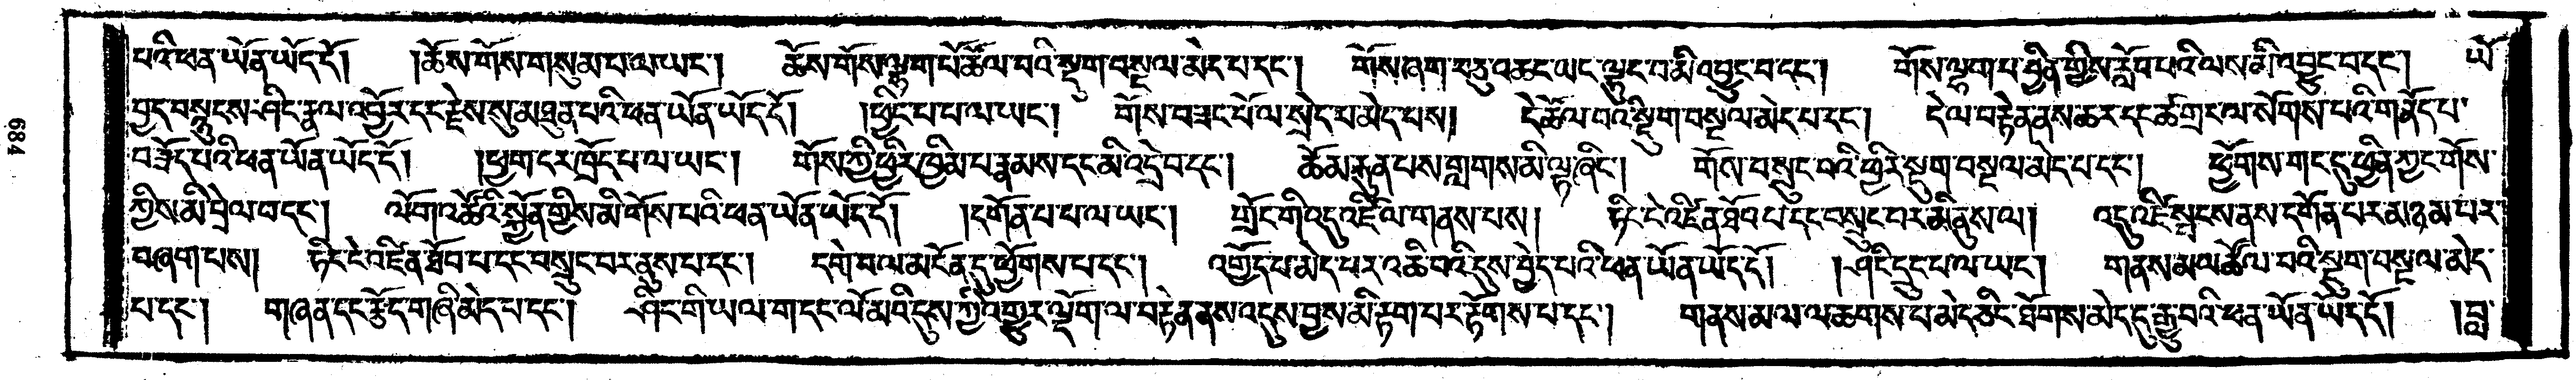པའི་ཕན་ཡོན་ཡོད་དོ། །ཆོས་གོས་གསུམ་པ་ལ་ཡང་། ཆོས་གོས་ལྷག་པོ་ཚོལ་བའི་སྡུག་བསྔལ་མེད་པ་དང་། གོས་ཞག་བཅུ་འཆང་ཡང་ལྟུང་བ་མི་འབྱུང་བ་དང་། གོས་ལྷག་པ་བྱིན་གྱིས་རློབ་པའི་ལས་མི་འབྱུང་བ་དང་། ཡོ་
བྱད་བསྙུངས་ཤིང་རྣལ་འབྱོར་དང་རྗེས་སུ་མཐུན་པའི་ཕན་ཡོན་ཡོད་དོ། །ཕྱིང་པ་པ་ལ་ཡང་། གོས་བཟང་པོ་ལ་སྲེད་པ་མེད་པས། དེ་ཚོལ་བའི་སྡུག་བསྔལ་མེད་པ་དང་། དེ་ལ་བརྟེན་ནས་ཆར་དང་ཚ་གྲང་ལ་སོགས་པའི་གནོད་པ་
བཟོད་པའི་ཕན་ཡོན་ཡོད་དོ། །ཕྱག་དར་ཁྲོད་པ་ལ་ཡང་། གོས་ཀྱི་ཕྱིར་ཁྱིམ་པ་རྣམས་དང་མི་འདྲེ་བ་དང་། ཆོམ་རྐུན་པས་གླགས་མི་ལྟ་ཞིང་། གོས་བསྲུང་བའི་ཕྱིར་སྡུག་བསྔལ་མེད་པ་དང་། ཕྱོགས་གང་དུ་ཕྱིན་ཀྱང་གོས་
ཀྱིས་མི་བྲེལ་བ་དང་། ལོག་འཚོའི་སྐྱོན་གྱིས་མི་གོས་པའི་ཕན་ཡོན་ཡོད་དོ། །དགོན་པ་པ་ལ་ཡང་། གྲོང་གི་འདུ་འཛི་ལ་གནས་པས། ཏིང་ངེ་འཛིན་ཐོབ་པ་དང་བསྲུང་བར་མི་ནུས་ལ། འདུ་འཛི་སྤངས་ནས་དགོན་པར་མཉམ་པར་
བཞག་པས། ཏིང་ངེ་འཛིན་ཐོབ་པ་དང་བསྲུང་བར་ནུས་པ་དང་། དགེ་བ་ལ་མངོན་དུ་ཕྱོགས་པ་དང་། འགྱོད་པ་མེད་པར་འཆི་བའི་དུས་བྱེད་པའི་ཕན་ཡོན་ཡོད་དོ། །ཤིང་དྲུང་པ་ལ་ཡང་། གནས་མལ་ཚོལ་བའི་སྡུག་བསྔལ་མེད་
པ་དང་། གཞན་དང་རྩོད་གཞི་མེད་པ་དང་། ཤིང་གི་ཡལ་ག་དང་ལོ་མའི་དུས་ཀྱི་འགྱུར་ལྡོག་ལ་བརྟེན་ནས་འདུས་བྱས་མི་རྟག་པར་རྟོགས་པ་དང་། གནས་མལ་ལ་ཆགས་པ་མེད་ཅིང་ཐོགས་མེད་དུ་རྒྱུ་བའི་ཕན་ཡོན་ཡོད་དོ། །བླ་